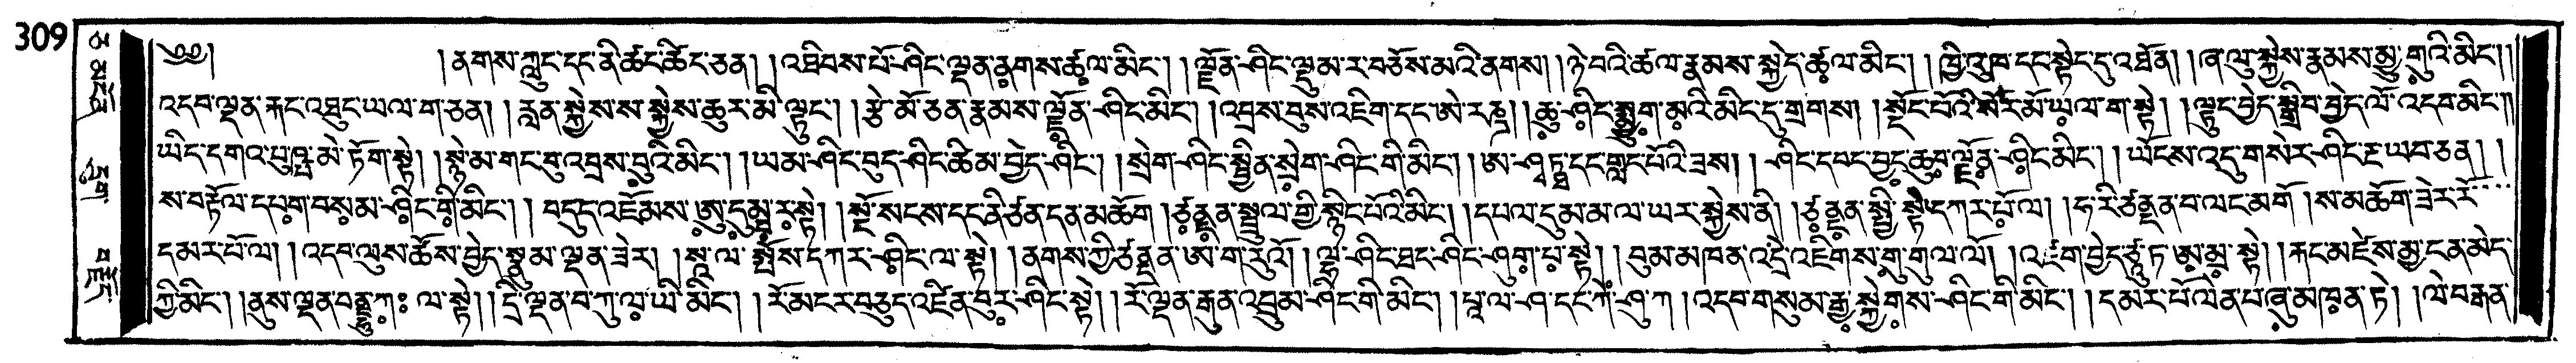༄༅། །ནགས་ཀླུང་དང་ནི་ཚང་ཚིང་ཅན། །འཐིབས་པོ་ཤིང་ལྡན་ནགས྾་ཚལ྾་མིང་། །ལྗོན་ཤིང་ལྡུ་མ་ར་བཅོས་མའི་ནགས། །ཉེ་བའི་ཚལ་རྣམས་སྐྱེད་ཚལ྾་མིང་། །ཁྱིའུ་ཁ་དང་སྟེང་དུ་འཐོན། །ཞ་ལུ་སྐྱེས་རྣམས་མྱུ་གུའི་མིང།།
འདབ་ལྡན་རྐང་འཐུང་ཡལ་ག་ཅན། །རླན་སྐྱེས་ས་སྐྱེས་ཆུར་མི་ལྟུང་། །རྩེ་མོ་ཅན་རྣམས་ལྗོན་ཤིང་མིང་། །འབྲས་བུས་འཇིག་དང་སེ་རཎྜ། །ཆུ྾་ཤིང྾་སྨྱུག་མའི་མིང་དུ་གྲགས། །སྡོང་པོའི་སོར་མོ་ཡལ་ག་སྟེ། །ལྟུང་བྱེད་སྒྲིབ་བྱེད་ལོ་འདབ་མིང།།
ཡིད་དགའ་པུ་ཥྤ་མེ་ཏོག་སྟེ། །སྙེ་མ་གང་བུ་འབྲས་བུའི་མིང་། །ཡམ་ཤིང་བུད་ཤིང་ཚིམ་བྱེད་ཤིང་། །སྲེག་ཤིང་སྤྱིན་སྲེག྾་ཤིང་གི་མིང་། །ཨ་ཤྭ་ཏཐ་དང་གླང་པོའི་ཟས། །ཤིང་དབང་བྱང྾་ཆུབ྾་ལྗོན྾་ཤིང྾་མིང་། །ཡོངས་འདུ་གསེར་ཤིང་རྔ་ཡབ་ཅན། །
ས་བརྟོལ་དཔག྾་བསམ྾་ཤིང྾་གི྾་མིང་། །བདུད་འཇོམས་ཨུ྾་དུམྦ྾་ར྾་སྟེ། །སྔོ་སངས་དང་ནི་ཙན་དན་མཆོག །ཙ྾ནྡན྾་སྦྲུལ་གྱི་སྙིང་པོའི་མིང་། །དཔལ་དུམ་མ་ལ་ཡར་སྐྱེས་ནི། །ཙ྾ནྡན྾་སྤྱི་སྟེ་དཀར་པོ྾་ལ། །ཧ་རི་ཙནྡན་བ་ལང་མགོ །ས་མཆོག་ཟེར་རོ་
དམར་པོ་ལ། །འདབ་ལུས་ཚོས་བྱེད་སྣུམ་ལྡན་ཟེར། །སཱ་ལ་སྤོས་སྐར་ཤིང་ལ་སྟེ། ནགས་ཀྱི་ཙནྡན་ཨ་ག་རུའོ། །ཧ་ཤིང་ཐང་ཤིང་ཤུག྾་པ་སྟེ། །བུམ་མཁསན་འདྲི་འཇིགས྾་གུ་གུལ་ལོ། །འཛག་བྱེད་ཙཱཨུ་ཏ་ཨ྾་མྲ྾་སྟེ། །རྐང་མཛེས་མྱ་ངན་མེད་
ཀྱི་མིང་། །ནུས་ལྡན་བནྡྷུ་ཀ྾H ལ་སྟེ། །དྲི་ལྡན་བ་ཀུ་ལ྾་ཡི་མིང་། །རོ་མངར་བཅུད་འཛིན་བུར྾་ཤིང་སྟེ། །རོ་ལྡན་རྒྱུན་འབྲུམ་ཤིང་གི་མིང་། །པའི་ལ་ཤ་དང་ཀེཾ་ཤུ་ཀ། འདབ་གསུམ་རྒྱ྾་སྐྱེགས྾་ཤིང་གི་མིང་། །དམར་པོ་ལེན་པ་ཞུ་མཁན྾་ཏེ། །ལེ་བརྒན་